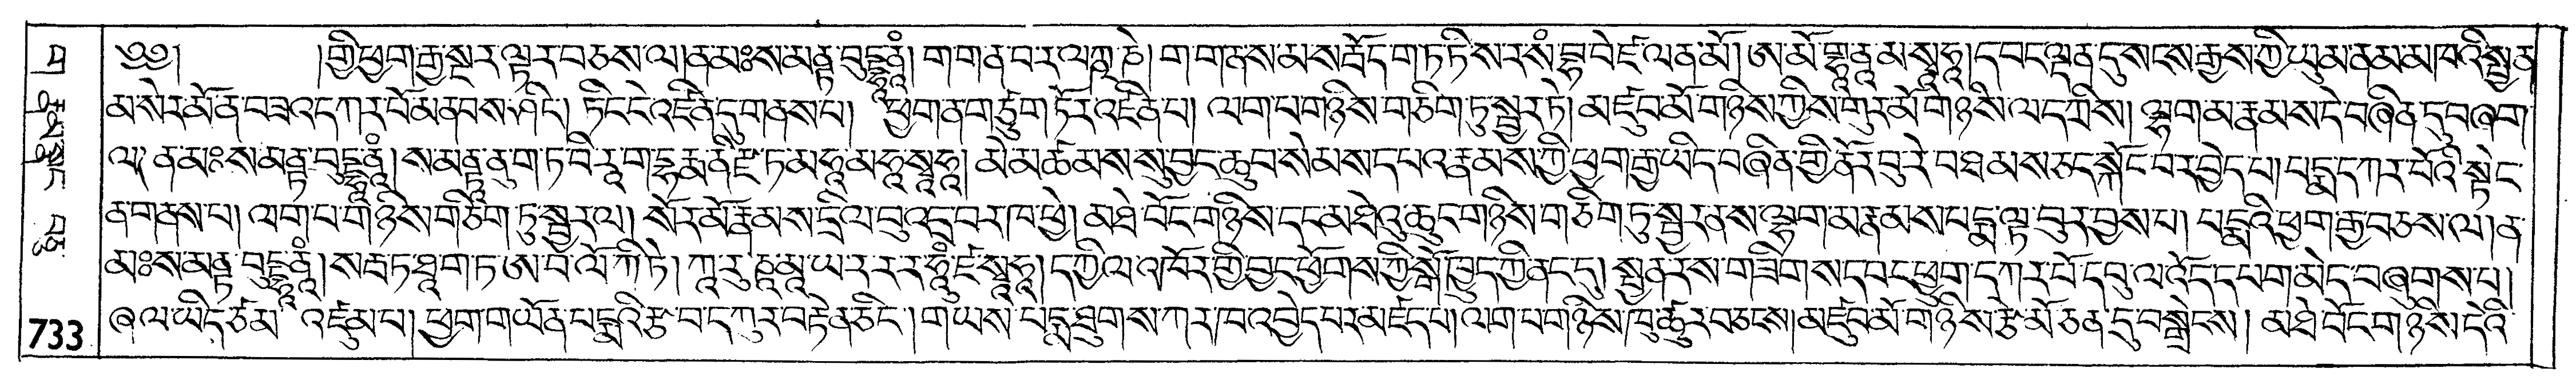༄༅། །གྱི་ཕྱག་རྒྱ་སྔར་ལྟར་བཅས་ལ། ན་མཿ ས་མནྟ་བུདྡྷཱ་ནཱཾ། ག་ག་ན་བ་ར་ལཀྵ་ཎེ། ག་ག་ན་ས་མ་སརྦོད་ག་ཏ་ཏི་ས་ར་སཾ་བྷ་བེ་ཛ་ལན་མོ། ཨ་མོ་གྷཱ་ནཱ་མ་སྭཱཧཱ། དབང་ལྡན་དུ་སངས་རྒྱས་ཀྱི་ཡུམ་ནམ་མཁའི་སྤྱན་
མ་སེར་མོ་ན་བཟའ་དཀར་པོ་མནབས་ཤིང་། ཏིང་ངེ་འཛིན་དུ་གནས་པ། ཕྱག་ན་གཙུག་ཏོར་འཛིན་པ། ལག་པ་གཉིས་གཅིག་ཏུ་སྦྱར་ཏེ། མཛུབ་མོ་གཉིས་ཀྱིས་གུར་མོ་གཉིས་ལ་དཀྲིས། ལྷག་མ་རྣམས་དེ་བཞིན་དུ་བཞག་
ལ༑ ན་མཿ ས་མནྟ་བུདྡྷཱ་ནཱཾ། ས་མནྟཱ་ནུ་ག་ཏ་བི་རཱ་ག་དྷརྨ་ནི་རྫ་ཏ་མཧཱ་མཧཱ་སྭཱཧཱ། མེ་མཚམས་སུ་བྱང་ཆུབ་སེམས་དཔའ་རྣམས་ཀྱི་ཕྱག་རྒྱ་ཡིད་བཞིན་གྱི་ནོར་བུ་རེ་བ་ཐམས་ཅད་སྐོང་བར་བྱེད་པ། པདམ་དཀར་པོའི་སྟེང་
ན་གནས་པ། ལག་པ་གཉིས་གཅིག་ཏུ་སྦྱར་ལ། སོར་མོ་རྣམས་དྲིལ་བུ་འདྲ་བར་ཁ་ཕྱེ། མཐེ་བོང་གཉིས་དང་མཐེའུ་ཆུང་གཉིས་གཅིག་ཏུ་སྦྱར་ནས་ལྷག་མ་རྣམས་པདམ་ལྟ་བུར་བྱས་པ། པདམའི་ཕྱག་རྒྱ་བཅས་ལ། ན་
མཿ ས་མནྟ་བུདྡྷཱ་ནཱཾ། སརྦ་ཏ་ཐཱ་ག་ཏ་ཨ་བ་ལོ་ཀི་ཏེ། ཀཱ་རུ་ཎཱ་མཱ་ཡ་ར་ར་ར་ཧཱུཾ་ཛ་སྭཱཧཱ། དཀྱིལ་འཁོར་གྱི་བྱང་ཕྱོགས་ཀྱི་སྒོ་ཁྱུད་ཀྱི་ནང་དུ། སྤྱན་རས་གཟིགས་དབང་ཕྱུག་དཀར་པོ་དབུ་ལ་འོད་དཔག་མེད་བཞུགས་པ།
ཞལ་ཡིད་ཙམ་འཛུམ་པ། ཕྱག་གཡོན་པདམའི་རྩ་བ་དཀུར་བརྟེན་ཅིང་། གཡས་པདམ་ཐུགས་ཀར་ཁ་འབྱེད་པར་མཛད་པ། ལག་པ་གཉིས་ཁུ་ཚུར་བཅངས། མཛུབ་མོ་གཉིས་རྩེ་མོ་ཅན་དུ་བསྒྲེངས། མཐེ་བོང་གཉིས་དེའི་